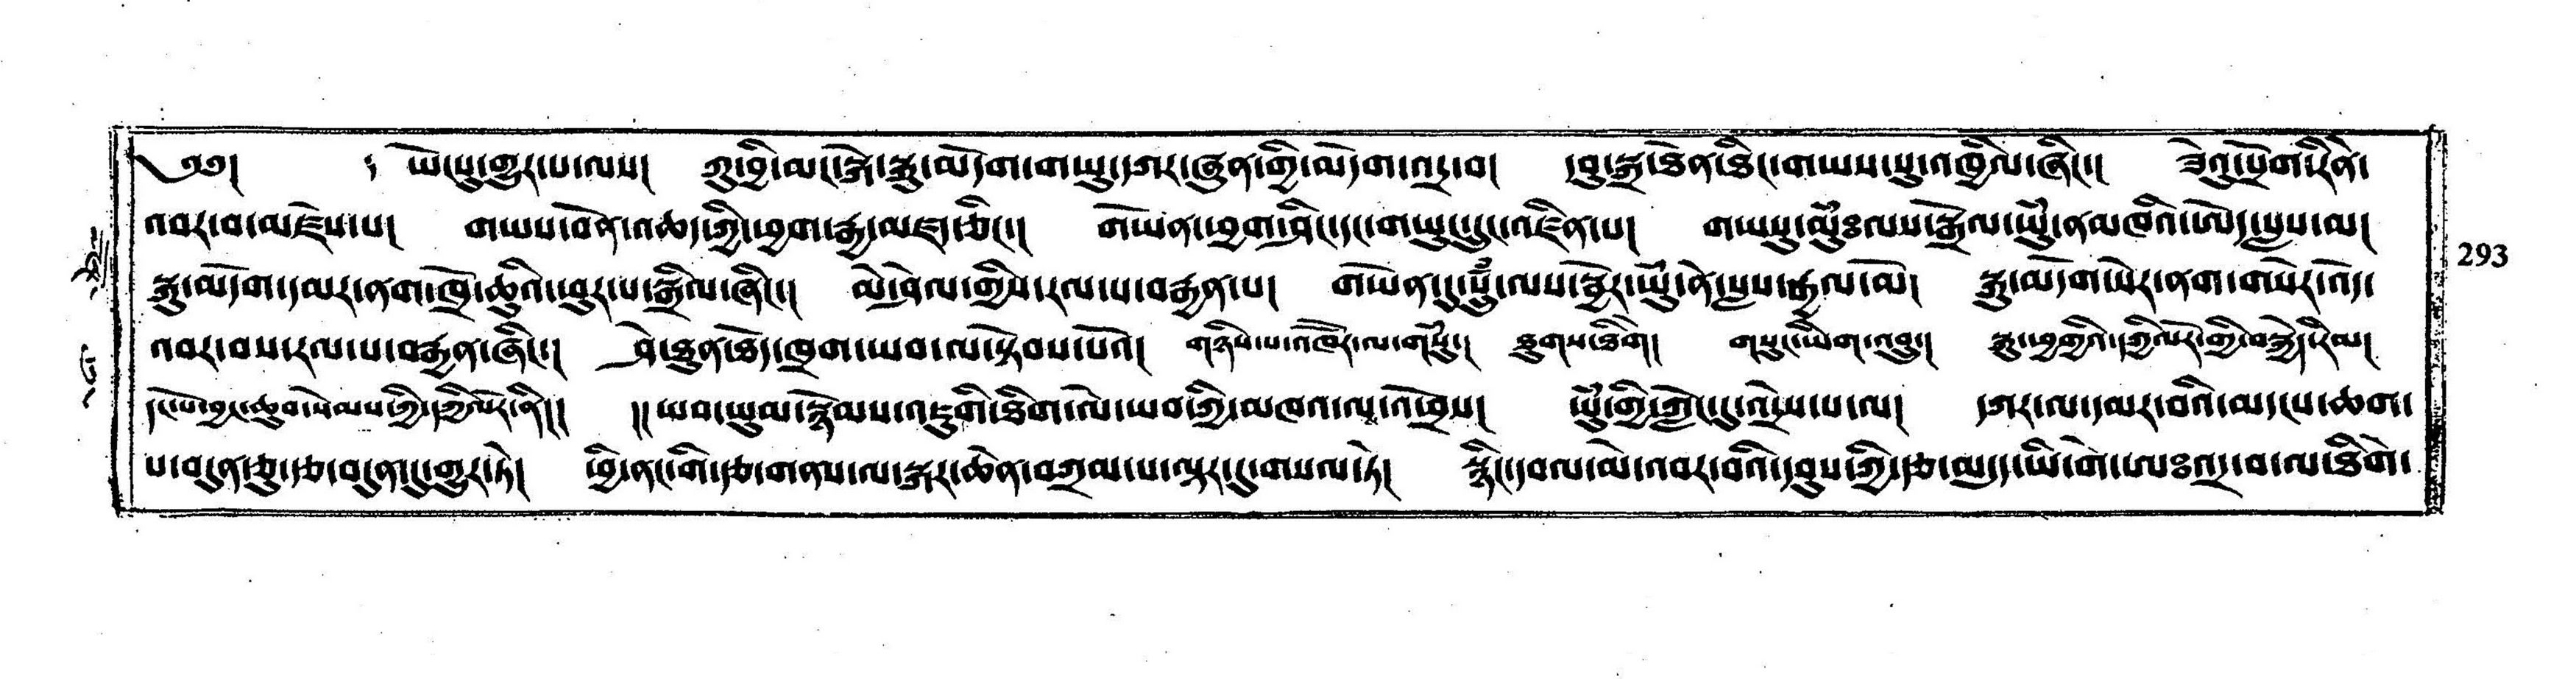ཡོངས་སུ་གྱུར་པ་ལས། ཀུ་བྱི་མང་སྐེ་སྐུ་མདོག་གཡུ་དཀར་ཞུན་གྱི་མདོག་འདྲ་བ། དབུ་སྐྲ་ཐོན་ཐིང་གཡས་སུ་འཁྱིལ་ཞིང་། ཟེའུ་པྲོག་རིན་ཆེན་
འབར་བ་མཛེས་པ། གཡས་བོན་འཆད་ཀྱི་ཕྱག་རྒྱ་མཛད་ཅིང་། གཡོན་ཕྱག་ཤིང་དང་གཡུང་དྲུང་འཛིན་པ། གཡས་སུ་མུཾཿལས་སྒྲོལ་ཡུམ་ནམ་མཁའི་ཨོད་སླས་མ། 
སྐུ་མདོག་དམར་ནག་ཁྲོ་ཆུའི་ཕུར་པ་སྒྲིལ་ཞིང་། མེ་ཤེལ་གྱི་རལ་པ་བརྒྱན་པ། གཡོན་དུ་སྲུཾ་ལས་སྦྱོར་ཡུམ་ནེ་སླས་རྒྱལ་མོ། སྐུ་མདོག་སེར་ནག་གསེར་འོད་
འབར་བས་རལ་པ་བརྒྱན་ཞིང་། ཤེ་ཐུན་ཐོད་ཁྲག་ཡབ་ལ་སྟོབས་པའོ། གཉིས་པ་འཁོར་ལོ་ལ་གསུམ། ཐུགས་ཐིག་ལེ། གསུང་ཡིག་འབྲུ། སྐུ་ཕྱག་རྒྱའི་དཀྱིལ་འཁོར་གྱི་བསྐྱེད་རིམ། 
དང་པོ་བྱང་ཆུབ་སེམས་ཀྱི་དཀྱིལ་འཁོར་ནི།། །།ཡབ་ཡུམ་སྙོམས་འཇུག་གི་ཐིག་ལེ་ཡབ་ཀྱི་མཁའ་ལ་འཕྲོས། ཡུམ་གྱི་ཀློང་དུ་འདྲེས་པ་ལ། དཀར་ལ་དམར་བའི་མདངས་ཆག་
པ་བདུན་ཅུ་རྩ་བདུན་དུ་གྱུར་ཏེ། ཕྱི་ནང་གི་རྩ་གནས་ལ་སྐར་ཆེན་བཀྲམ་པ་ལྟར་དུ་གསལ་ཏེ། སྙིང་དབལ་མེ་འབར་བའི་དབུས་ཀྱི་རྩ་མདུད་ཡི་གེ་ཨཿའདྲ་བ་ལ་ཐིག་ལེ་